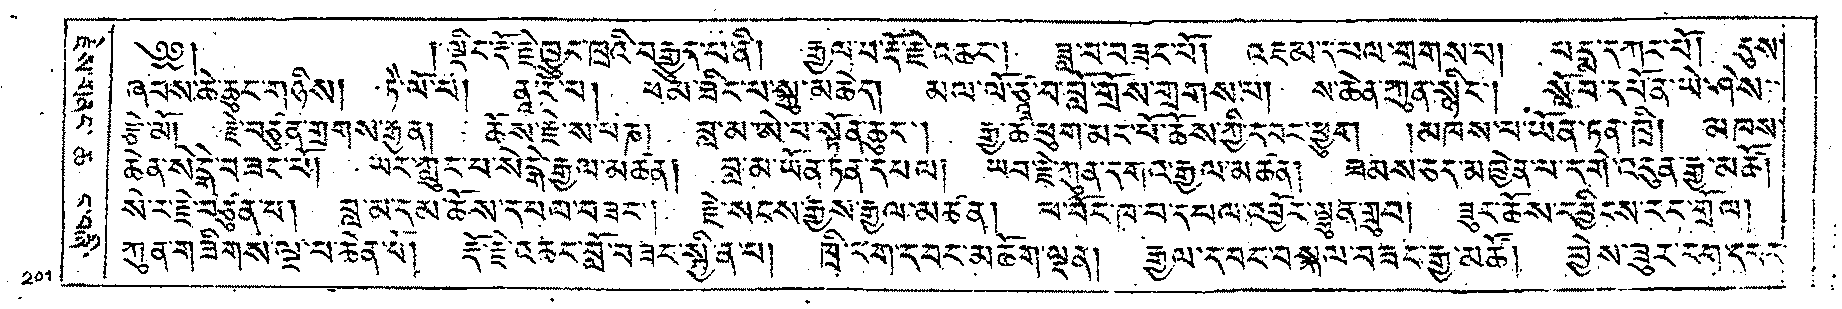༄༅། །ལྡིང་རྡོ་རྗེ་ཁྱུང་ཁྲའི་བརྒྱུད་པ་ནི། རྒྱལ་བ་རྡོ་རྗེ་འཆང་། ཟླ་བ་བཟང་པོ། འཇམ་དཔལ་གྲགས་པ། པདམ་དཀར་པོ། དུས་
ཞབས་ཆེ་ཆུང་གཉིས། ཏཻ་ལོ་པ། ནཱ་རོ་པ། ཕམ་ཐིང་པ་སྐུ་མཆེད། མལ་ལོ་ཙཱ་བ་བློ་གྲོས་གྲགས་པ། ས་ཆེན་ཀུན་སྙིང་། སློབ་དཔོན་ཡེ་ཤེས་
རྩེ་མོ། རྗེ་བཙུན་གྲགས་རྒྱན། ཆོས་རྗེ་ས་པཎ། བླ་མ་ཨེ་པ་སྟོན་ཆུང་། རྒྱ་ཚ་ཕུག་མང་པོ་ཆོས་ཀྱི་དབང་ཕྱུག །མཁས་པ་ཡོན་ཏན་ཁྲི། མཁས་
ཆེན་སེངྒེ་བཟང་པོ། ཡར་ཀླུང་པ་སེངྒེ་རྒྱལ་མཚན། བླ་མ་ཡོན་ཏན་དཔལ། ཡབ་རྗེ་ཀུན་དགའ་རྒྱལ་མཚན། ཐམས་ཅད་མཁྱེན་པ་དགེ་འདུན་རྒྱ་མཚོ།
སེ་ར་རྗེ་བཙུན་པ། བླ་མ་དམ་ཆོས་དཔལ་བཟང་། རྗེ་སངས་རྒྱས་རྒྱལ་མཚན། ཕ་བོང་ཁ་པ་དཔལ་འབྱོར་ལྷུན་གྲུབ། ཟུར་ཆོས་དབྱིངས་རང་གྲོལ།
ཀུན་གཟིགས་ལྔ་པ་ཆེན་པོ། རྡོ་རྗེ་འཆང་བློ་བཟང་སྦྱིན་པ། ཁྲི་ངག་དབང་མཆོག་ལྡན། རྒྱལ་དབང་བསྐལ་བཟང་རྒྱ་མཚོ། བྱེས་ཟུར་ངག་དབང་